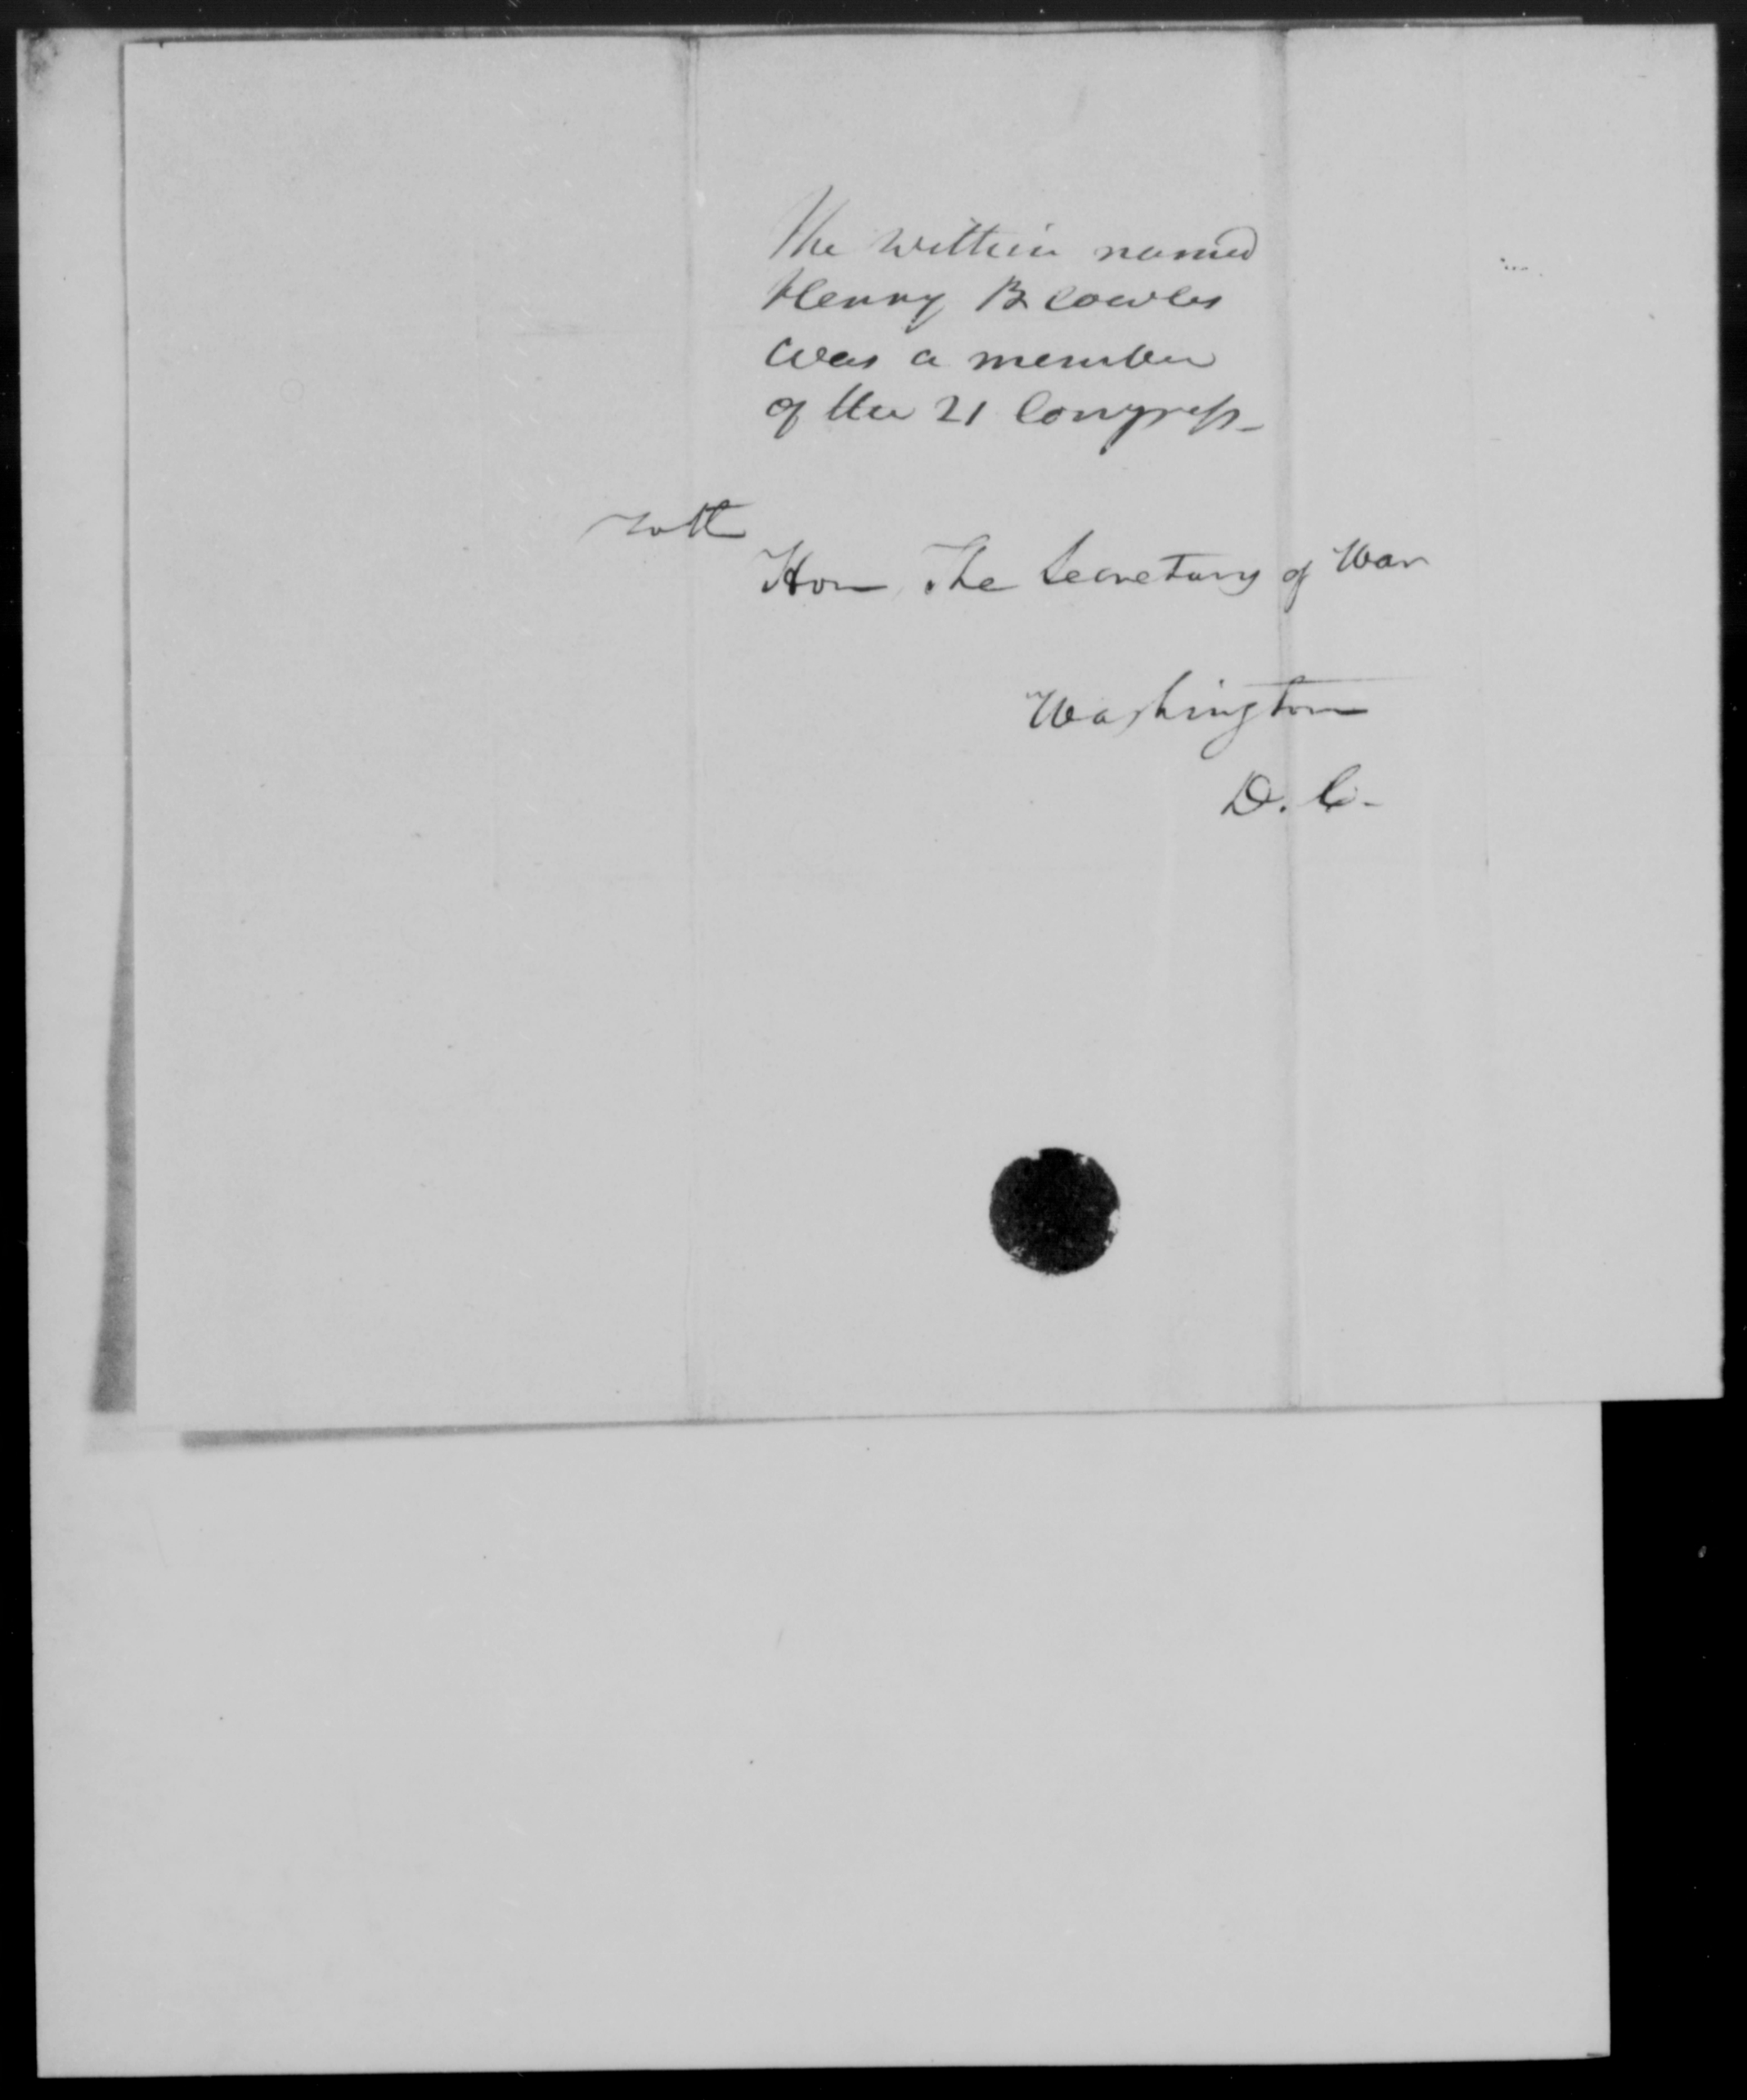The within named Henry B Cowles was a member of the 21 Congress 

Hon the Secretary of War
Washington D.C.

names: Henry B Cowles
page: 69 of 77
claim: widow's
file: W. 19658, John Woodin, New York